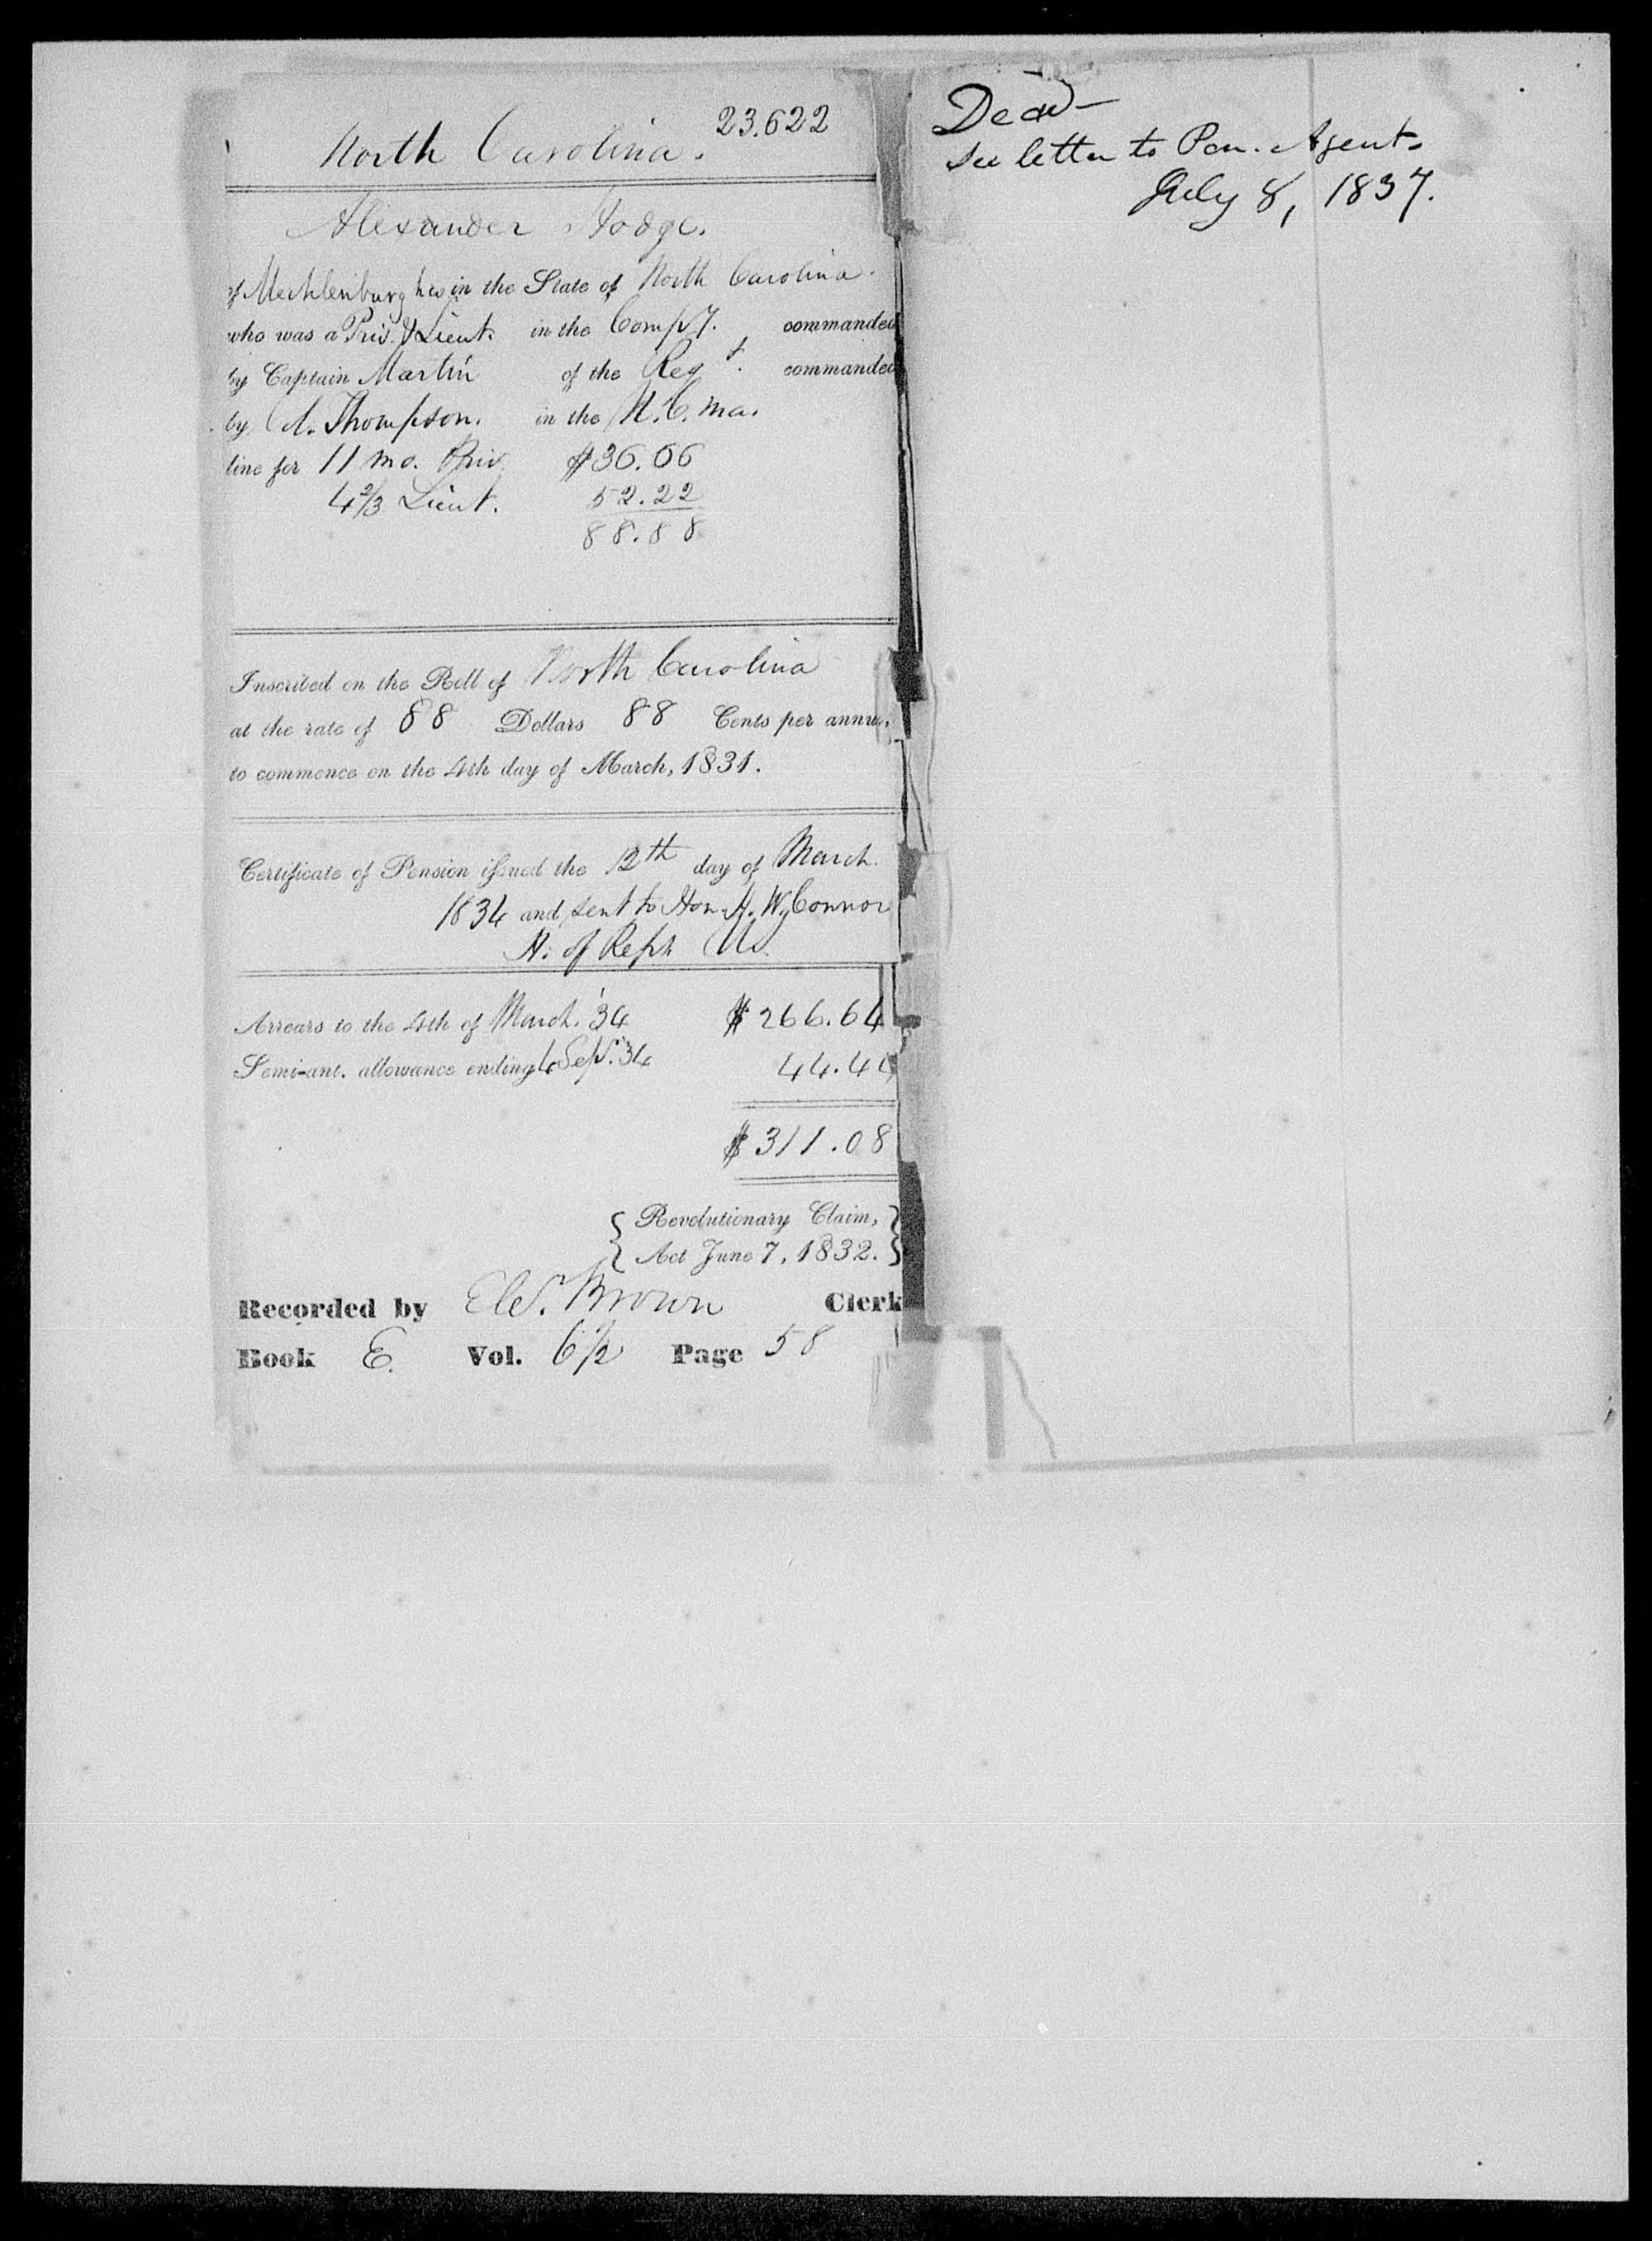(left side) 
North Carolina.  23622
Alexander Hodge.
Of Mecklenburgh w in the State of North Carolina.
who was a Priv & Lieut. in the Compy. commanded
by Captain Martin of the Regt. commanded
by Col. Thompson in the N. C. ma.
line for 11 mo. Priv.       $36.66
               4 2/3 Lieut.	52.22
                                        88.88

Inscribed on the Roll of North Carolina
at the rate of 88 Dollars and 88 Cents per annum,
to commence on the 4th day of March, 1831.

Certificate of Pension issued the 12th day of March.
1834 and sent to Hon. H. W. Connor
H. of Reps  NS.

Arrears of the 4th of March '34 
Semi-anl. allowance ending 4 Sep ' 34 
$266.64 
    44.44 
$311.08

{Revolutionary Claims}
{Act June 7, 1832.}

Recorded by EW. Brown Clerk 
Book E. Vol. 672 Page 58

(right side) 
Decd –
See letter to Pen. Agent.
July 8, 1837.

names: Thompson, Martin, Eler Brown, H W Connor, Alexander Hodge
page: 2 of 14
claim: survivor's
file: S. 8737, Alexander Hodge, N.C.